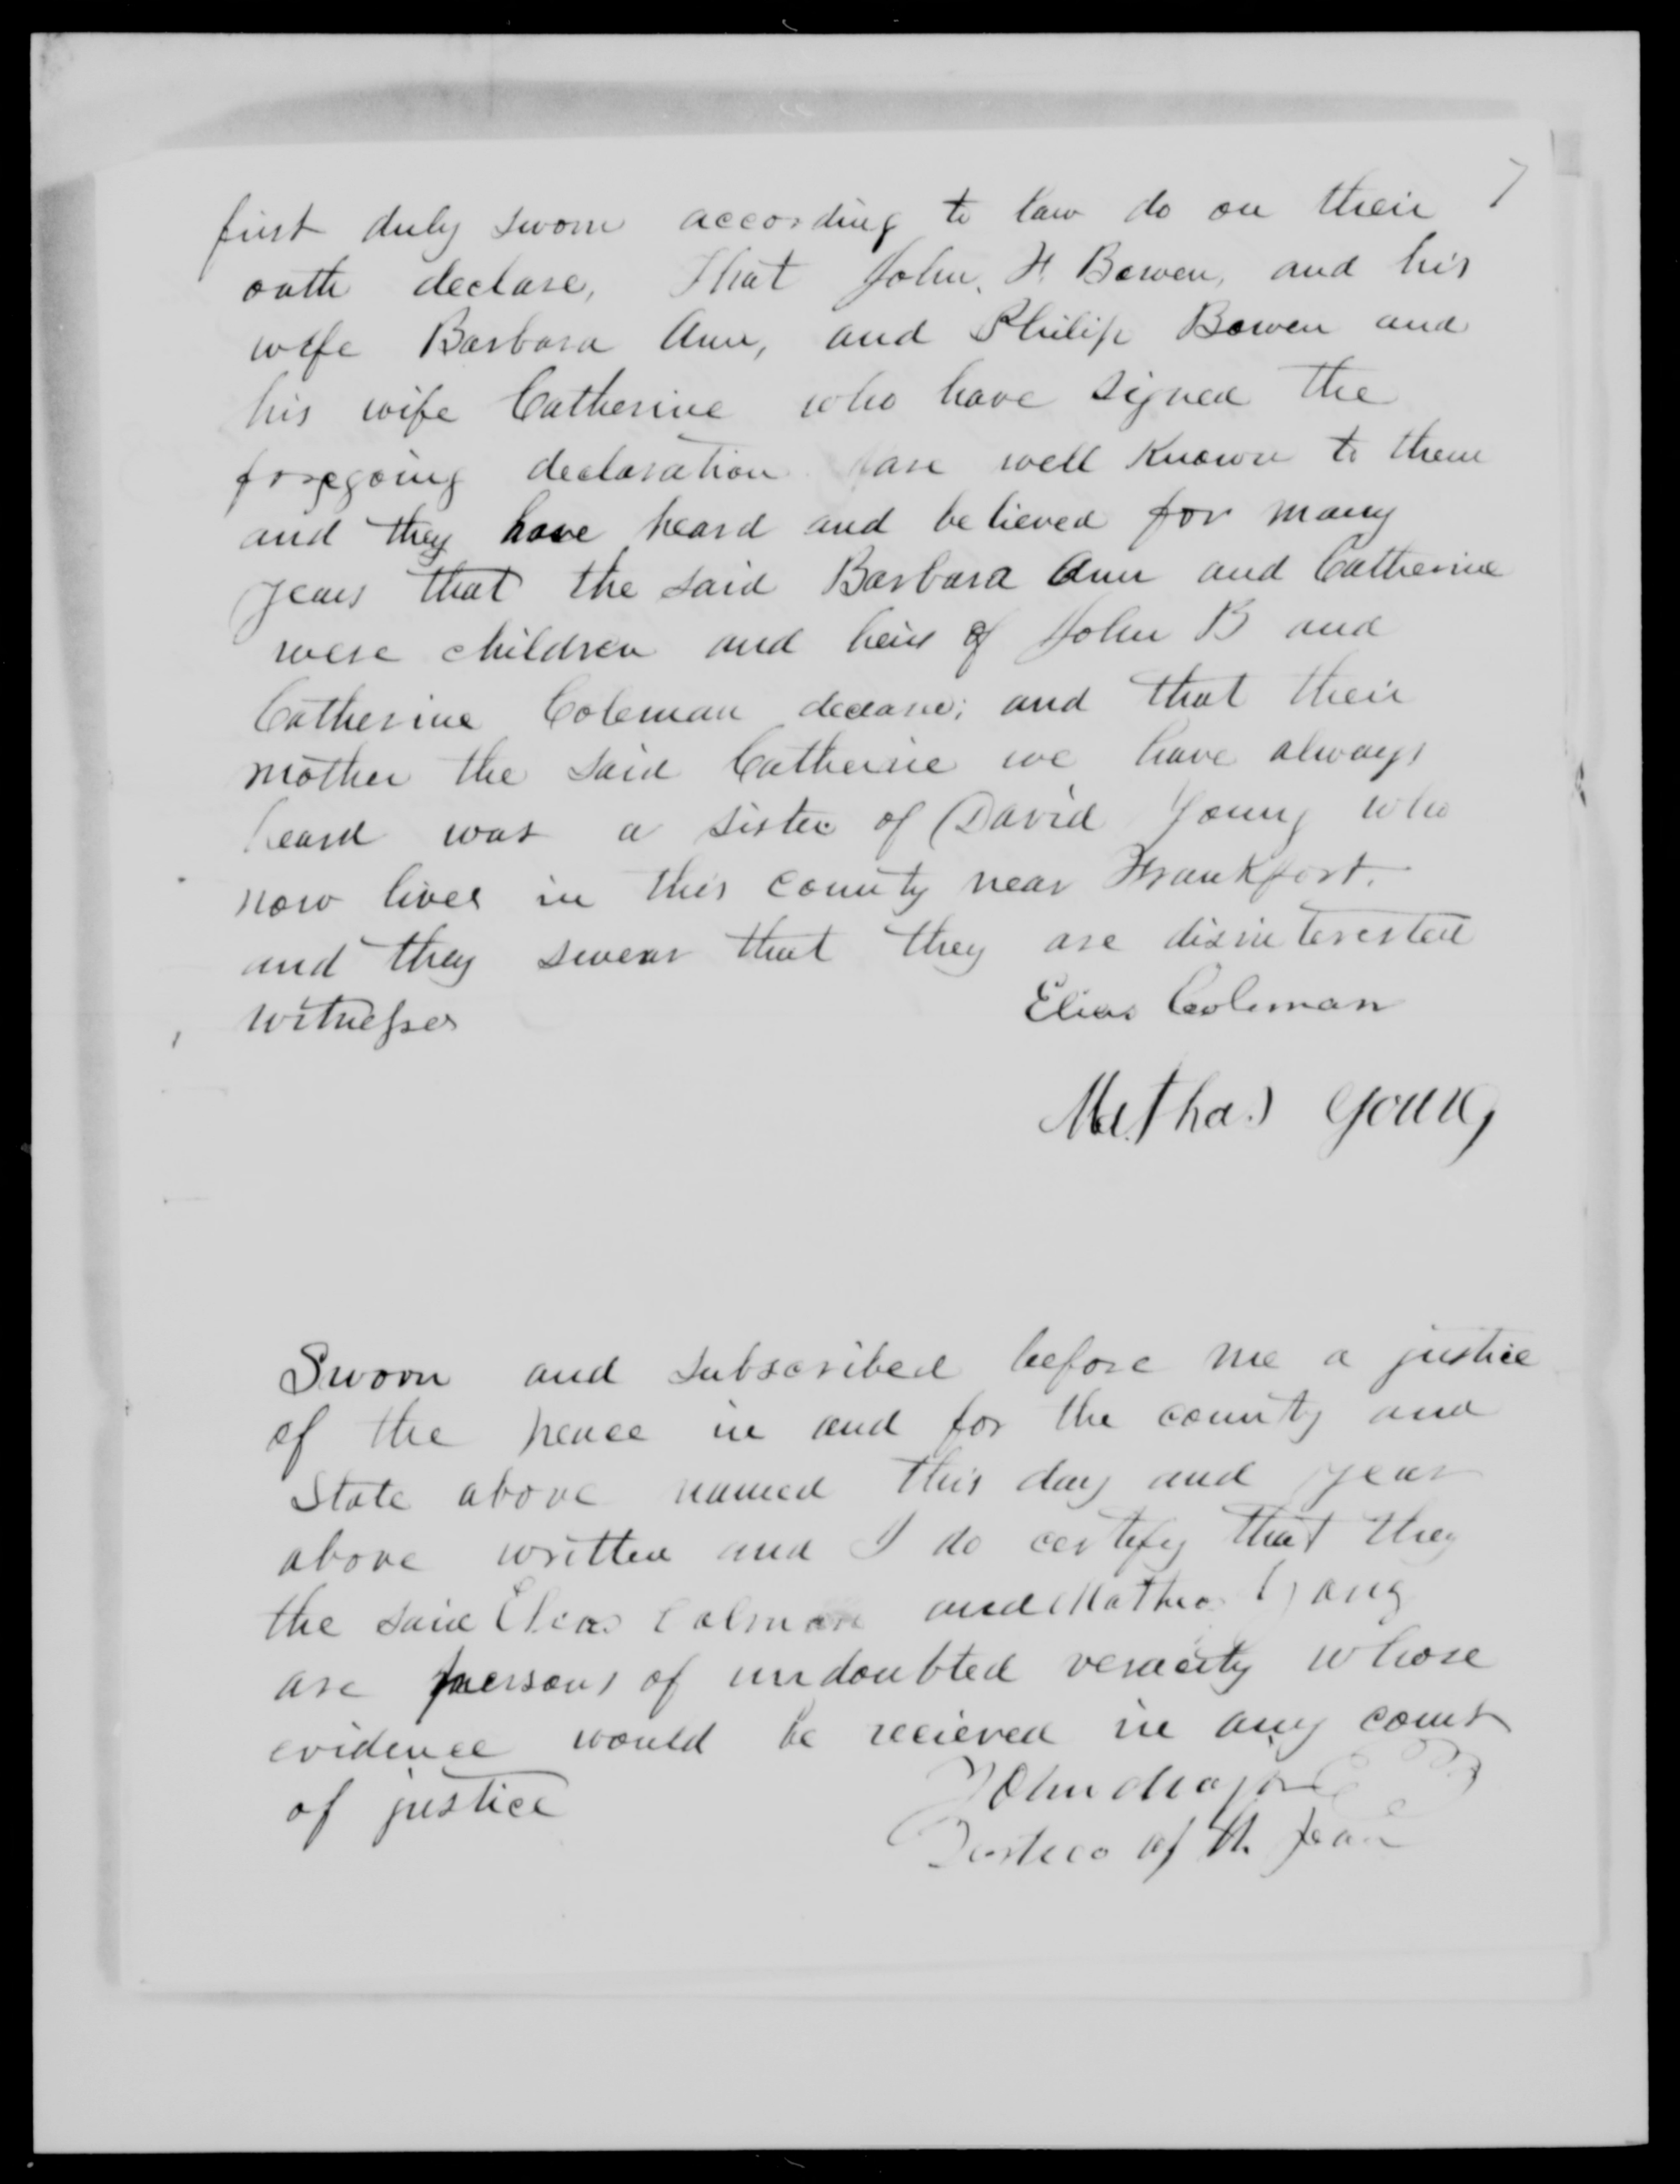7
first duly sworn according to law do on their
oath declare That John F. Bowen, and his
wife Barbara Ann, and Philip Bowen and
his wife Catherine who have signed the
foregoing declaration are well known to them
and they have heard and believed for many
years that the said Barbara Ann and Catherine
were children and heirs of John and
Catherine Coleman deceased, and that their
mother the said Catherine we have always
heard was a sister of David Young who
now lives in this County near Frankfort
and they swear that they are disinterested
witnesses
Elias Coleman
Matthias Young

Sworn and subscribed before me a justice
of the peace in and for the County and
State above named this day and year
above written and I do certify that they
the said Elias Colman and Matthias Young
are persons of undoubted veracity whose
evidence would be received in any court
of justice
John Major {seal}
Justice of the peace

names: John Major, Barbara Ann, Catherine Coleman, Elias Coleman, John B Coleman, David Young, John F Bowen, Philip Bowen, Catherine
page: 122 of 123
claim: rejected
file: R. 11,949, Matthias Young, Md.